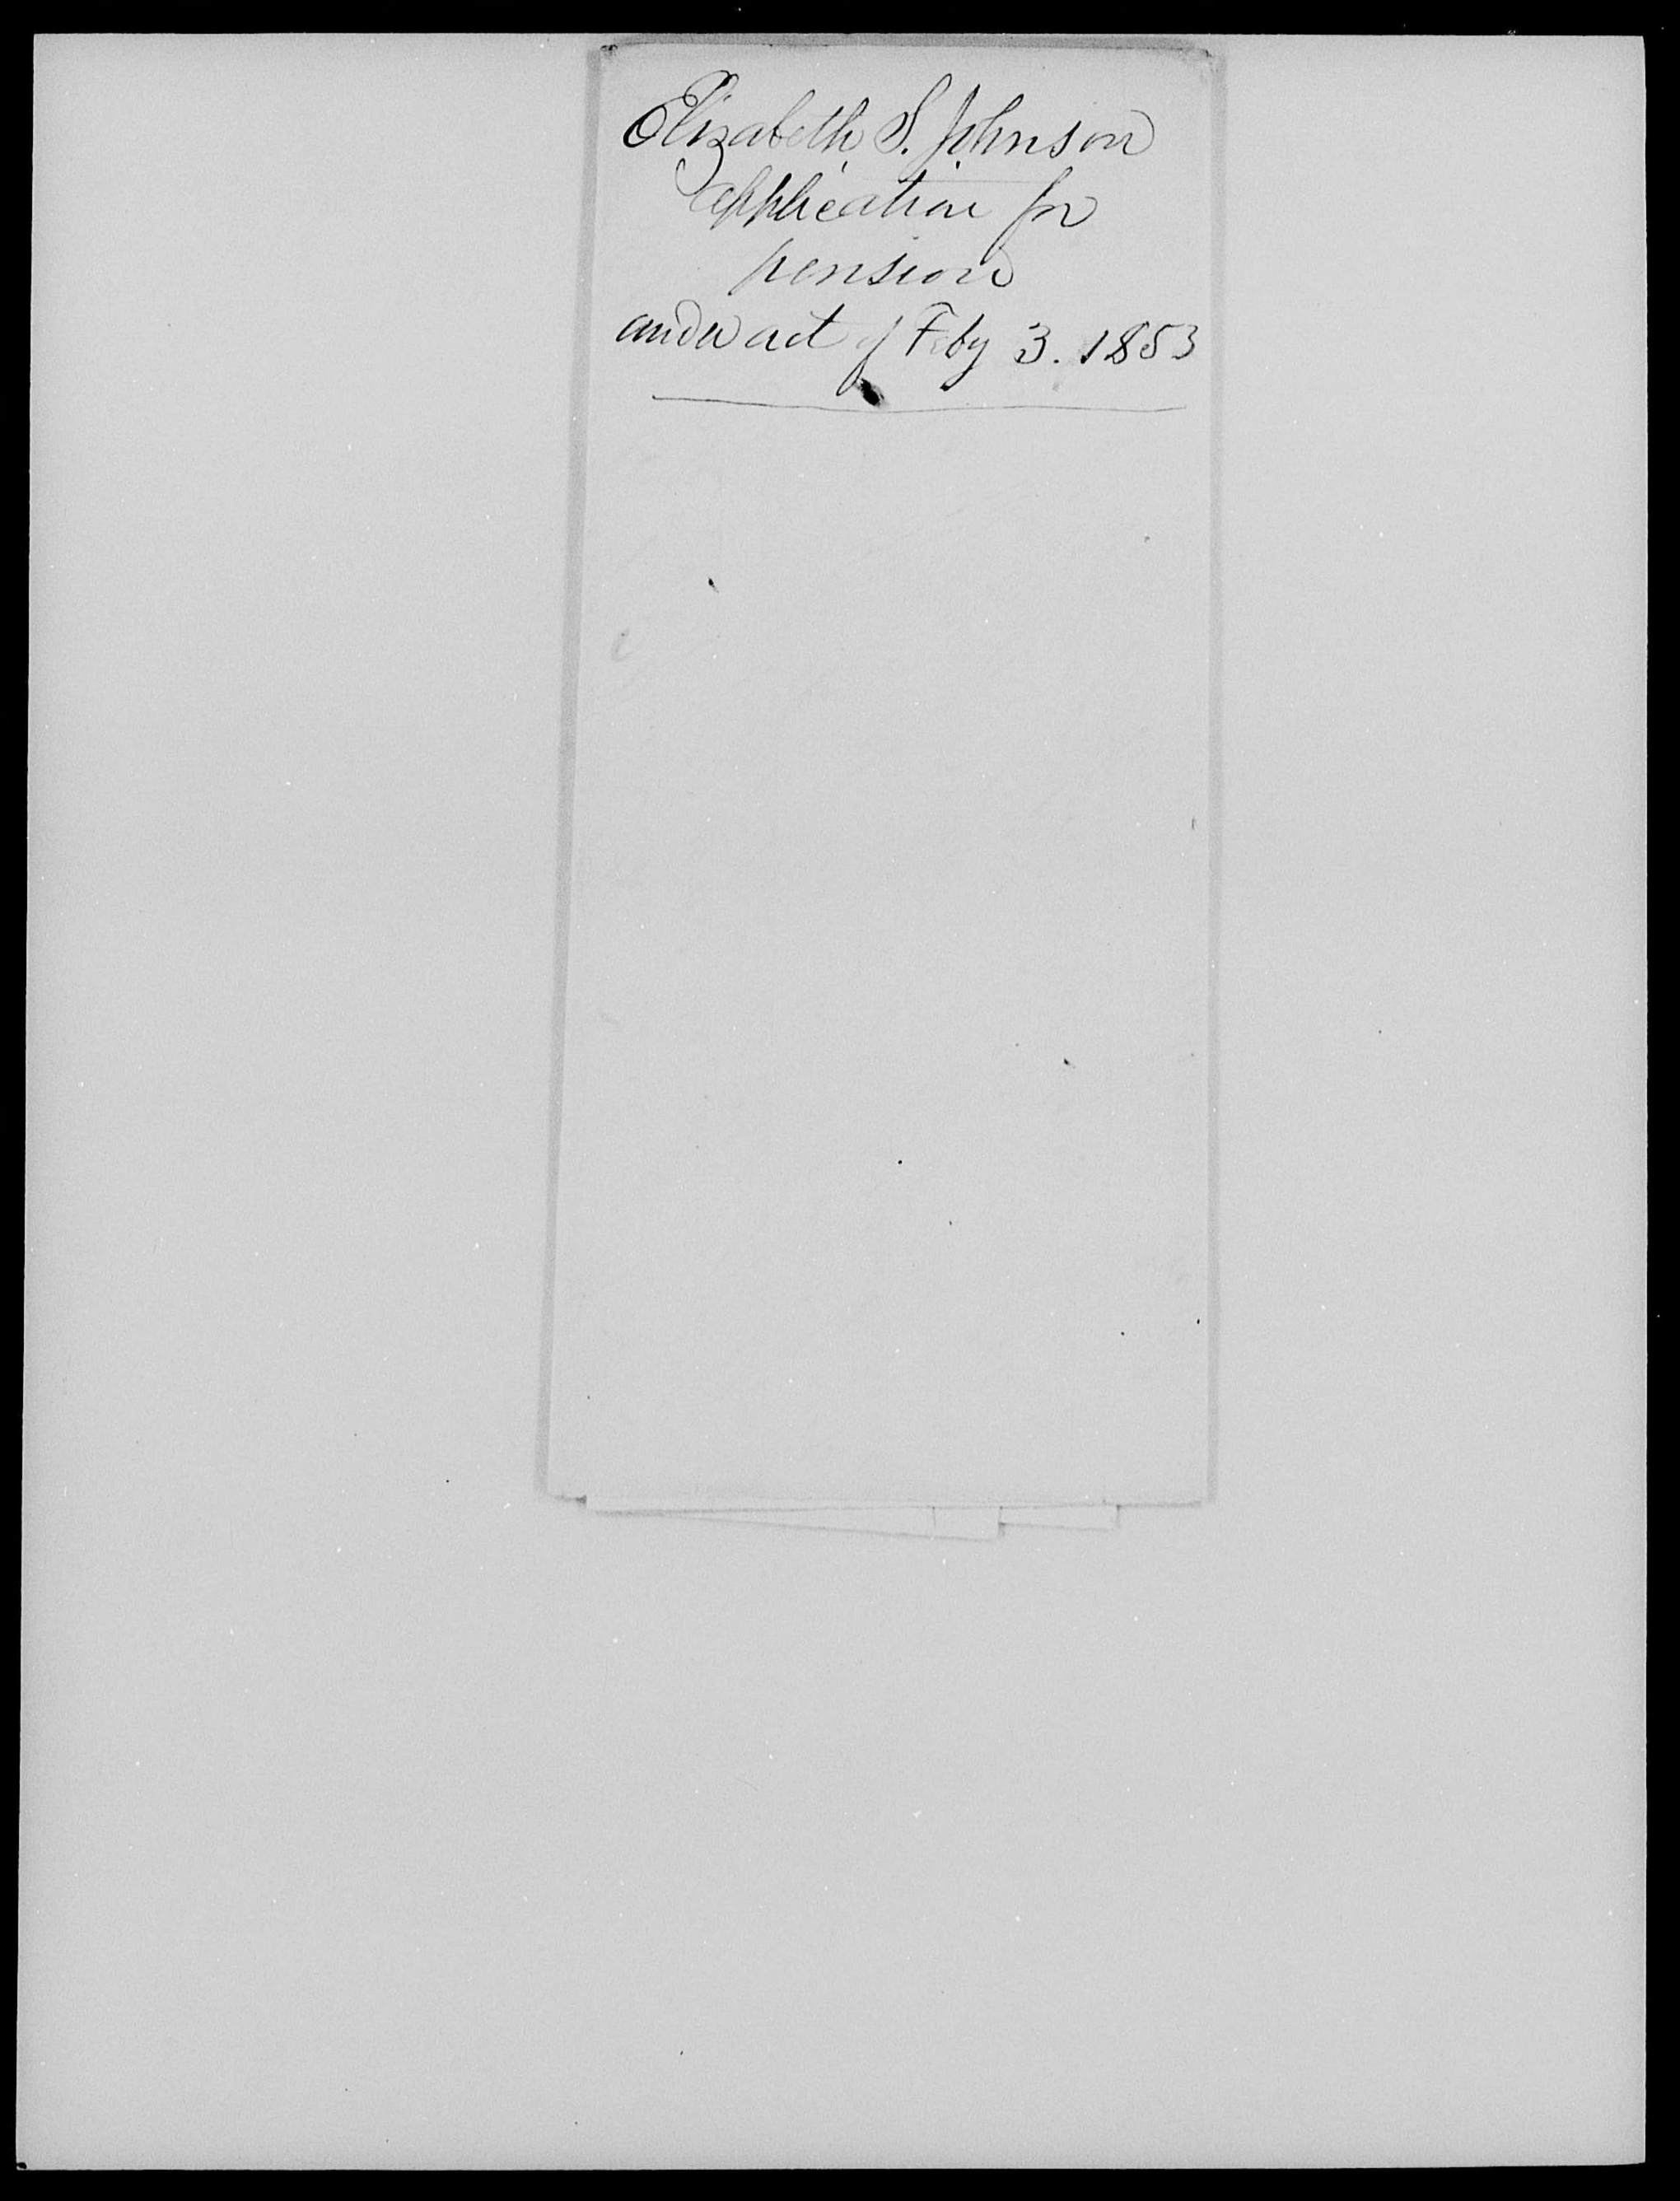Elizabeth S. Johnson
application for
pension
under act of Feby 3, 1853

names: Elizabeth S Johnson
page: 4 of 43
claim: rejected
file: R. 5655, for Samuel Johnson, Connecticut